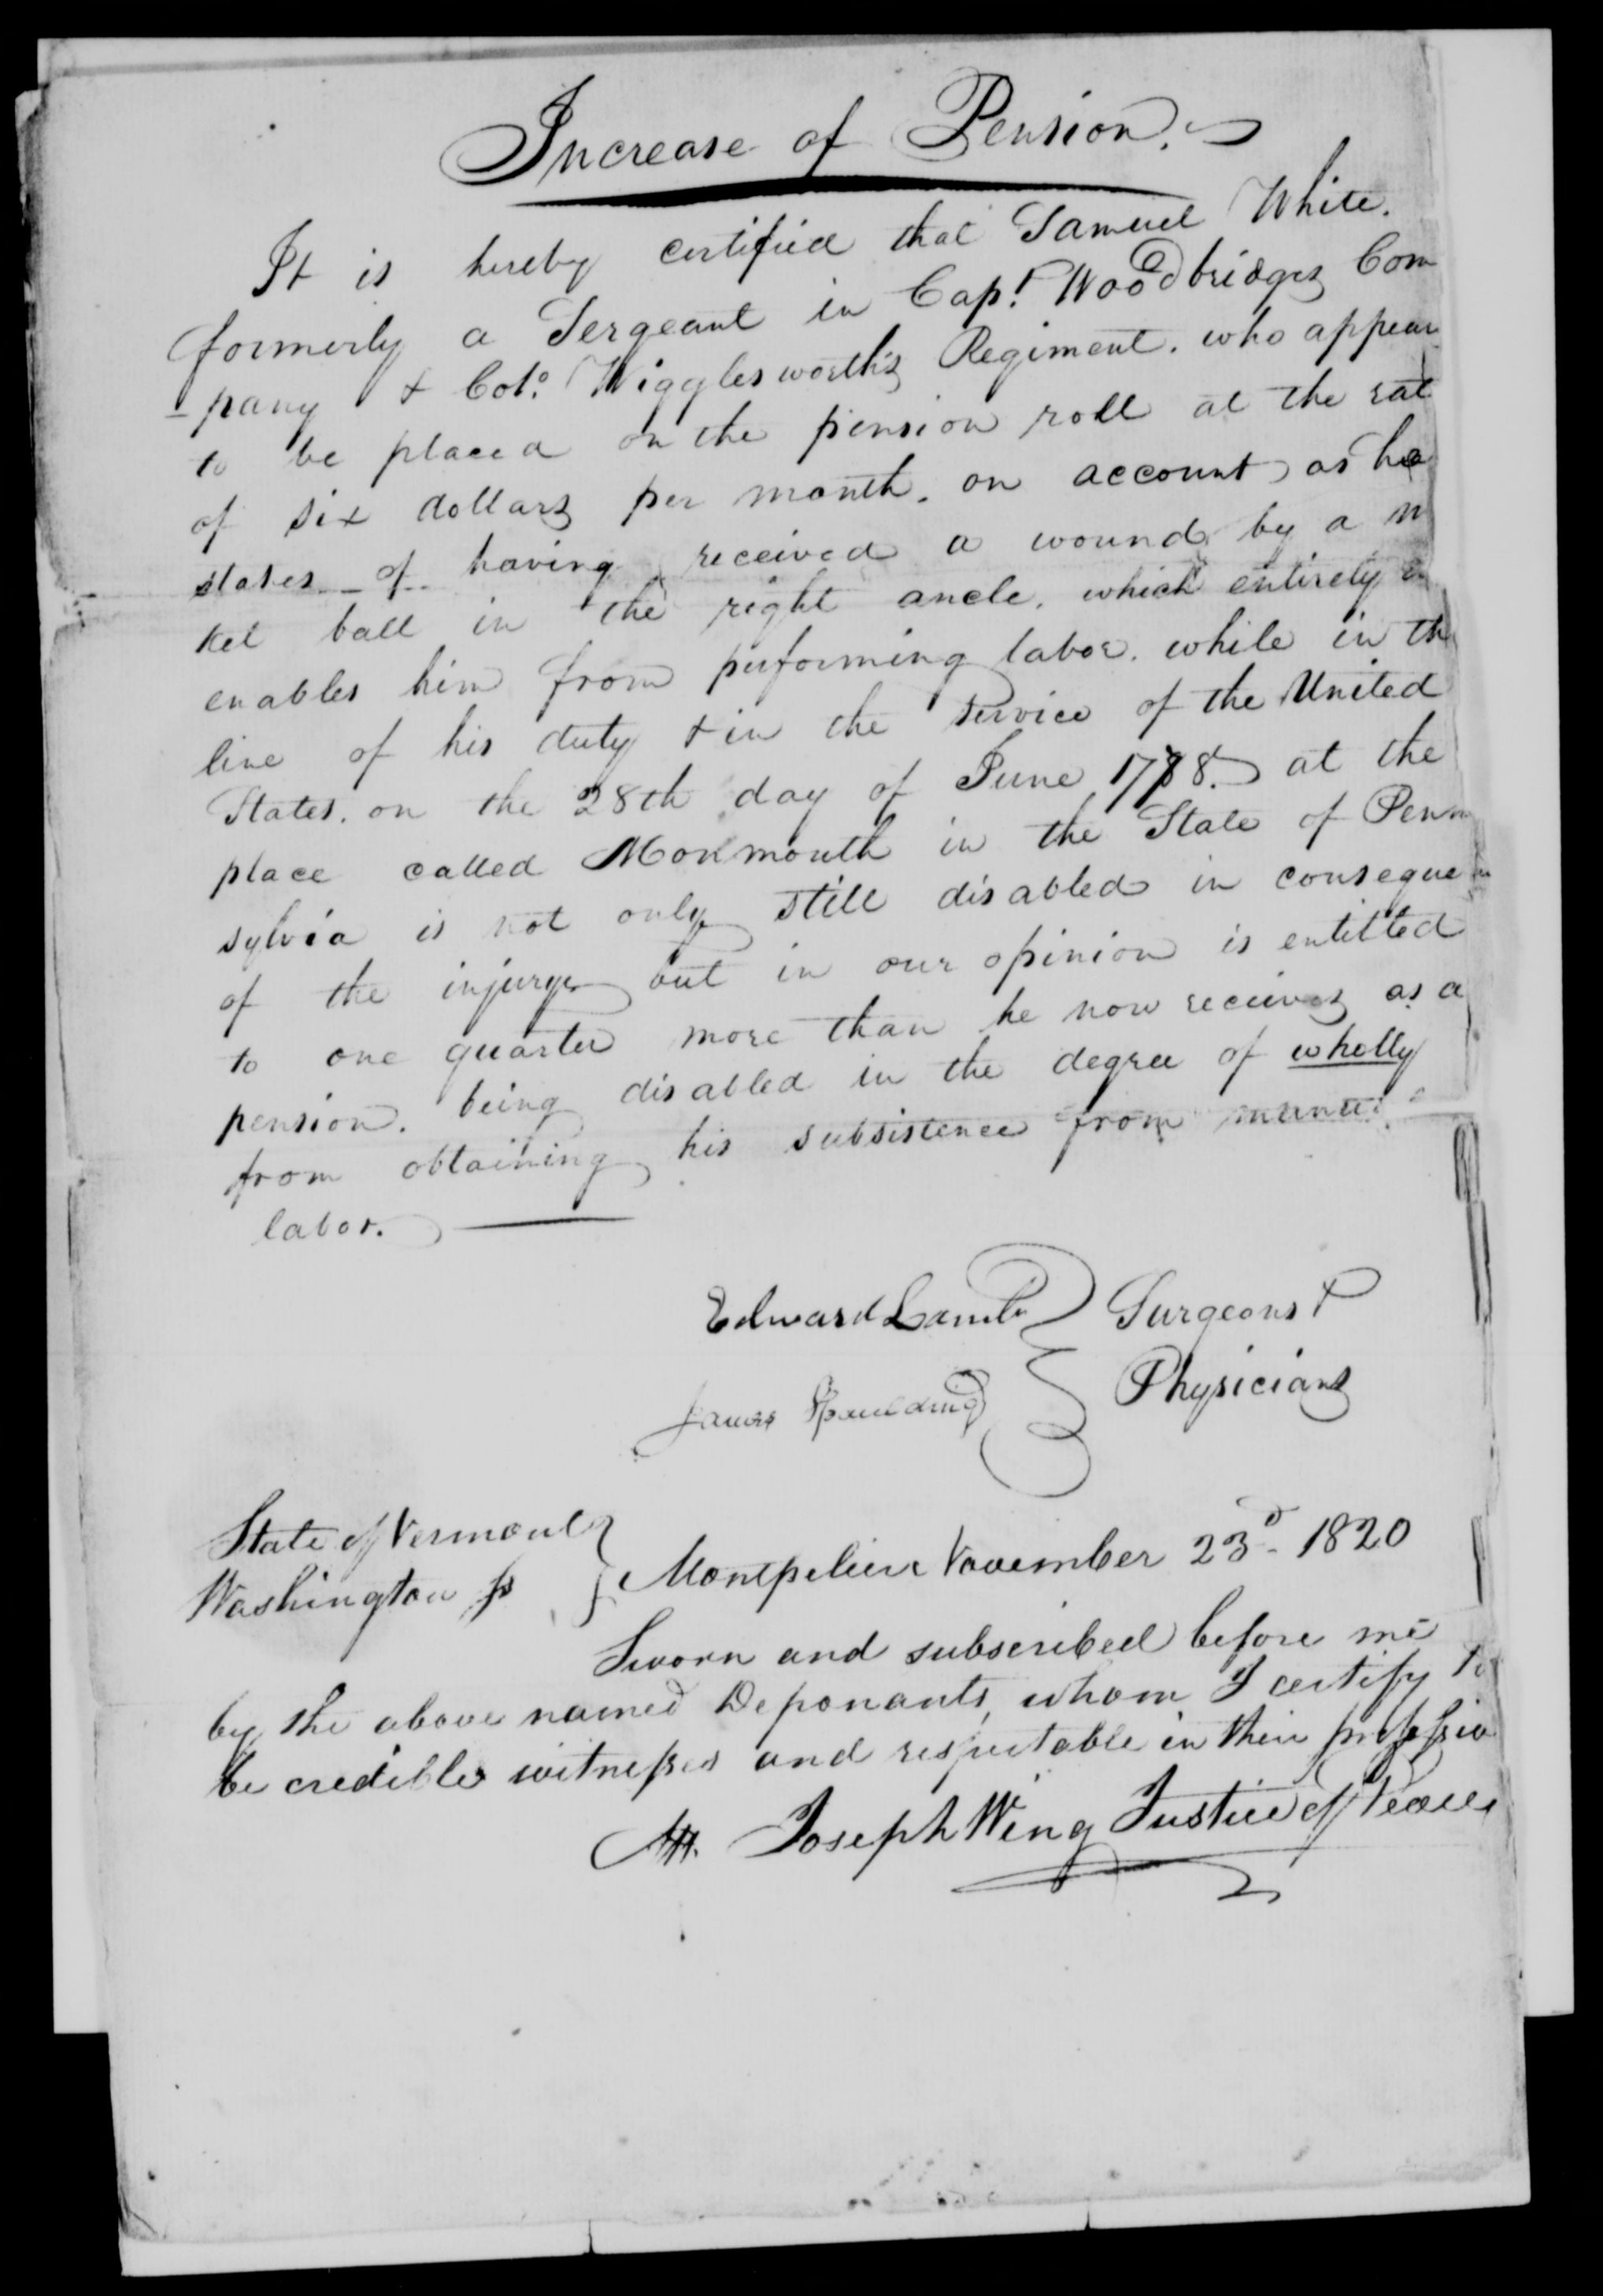Increase of Pension

It is hereby certified that Samuel White formerly a Sergeant in Capt. Woodbridges's company & Col. Wigglesworth's Regiment who appears to be placed on the pension roll at the rate of six dollars per month on account as he stated of having received a wound by a musket ball in the right ancle, which entirely disenables him from performing labor while in the line of his duty & in the Service of the United States on the 28th day of June 1778 at the place called Monmouth in the State of Pennsylvia is not only still disabled in consequence of the injury but in our opinion is entitled to one quarter more than he now received as a pension being disabled in the degree of wholly from obtaining his subsistence from manual labor.
Edward Lamb Surgeons & Physicians
James Spaulding 

State of Vermont
Washington SS Montpelier November 23d 1820
Sworn and subscribed before me by the above named Deponants whom I certify to be credible witnesses and respectable in their profession.
Att. joseph Wing Justice of Peace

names: Joseph Wing, Edward Lamb, Samuel White, James Spaulding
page: 71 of 79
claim: survivor's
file: S. 11759, Samuel White, Mass.